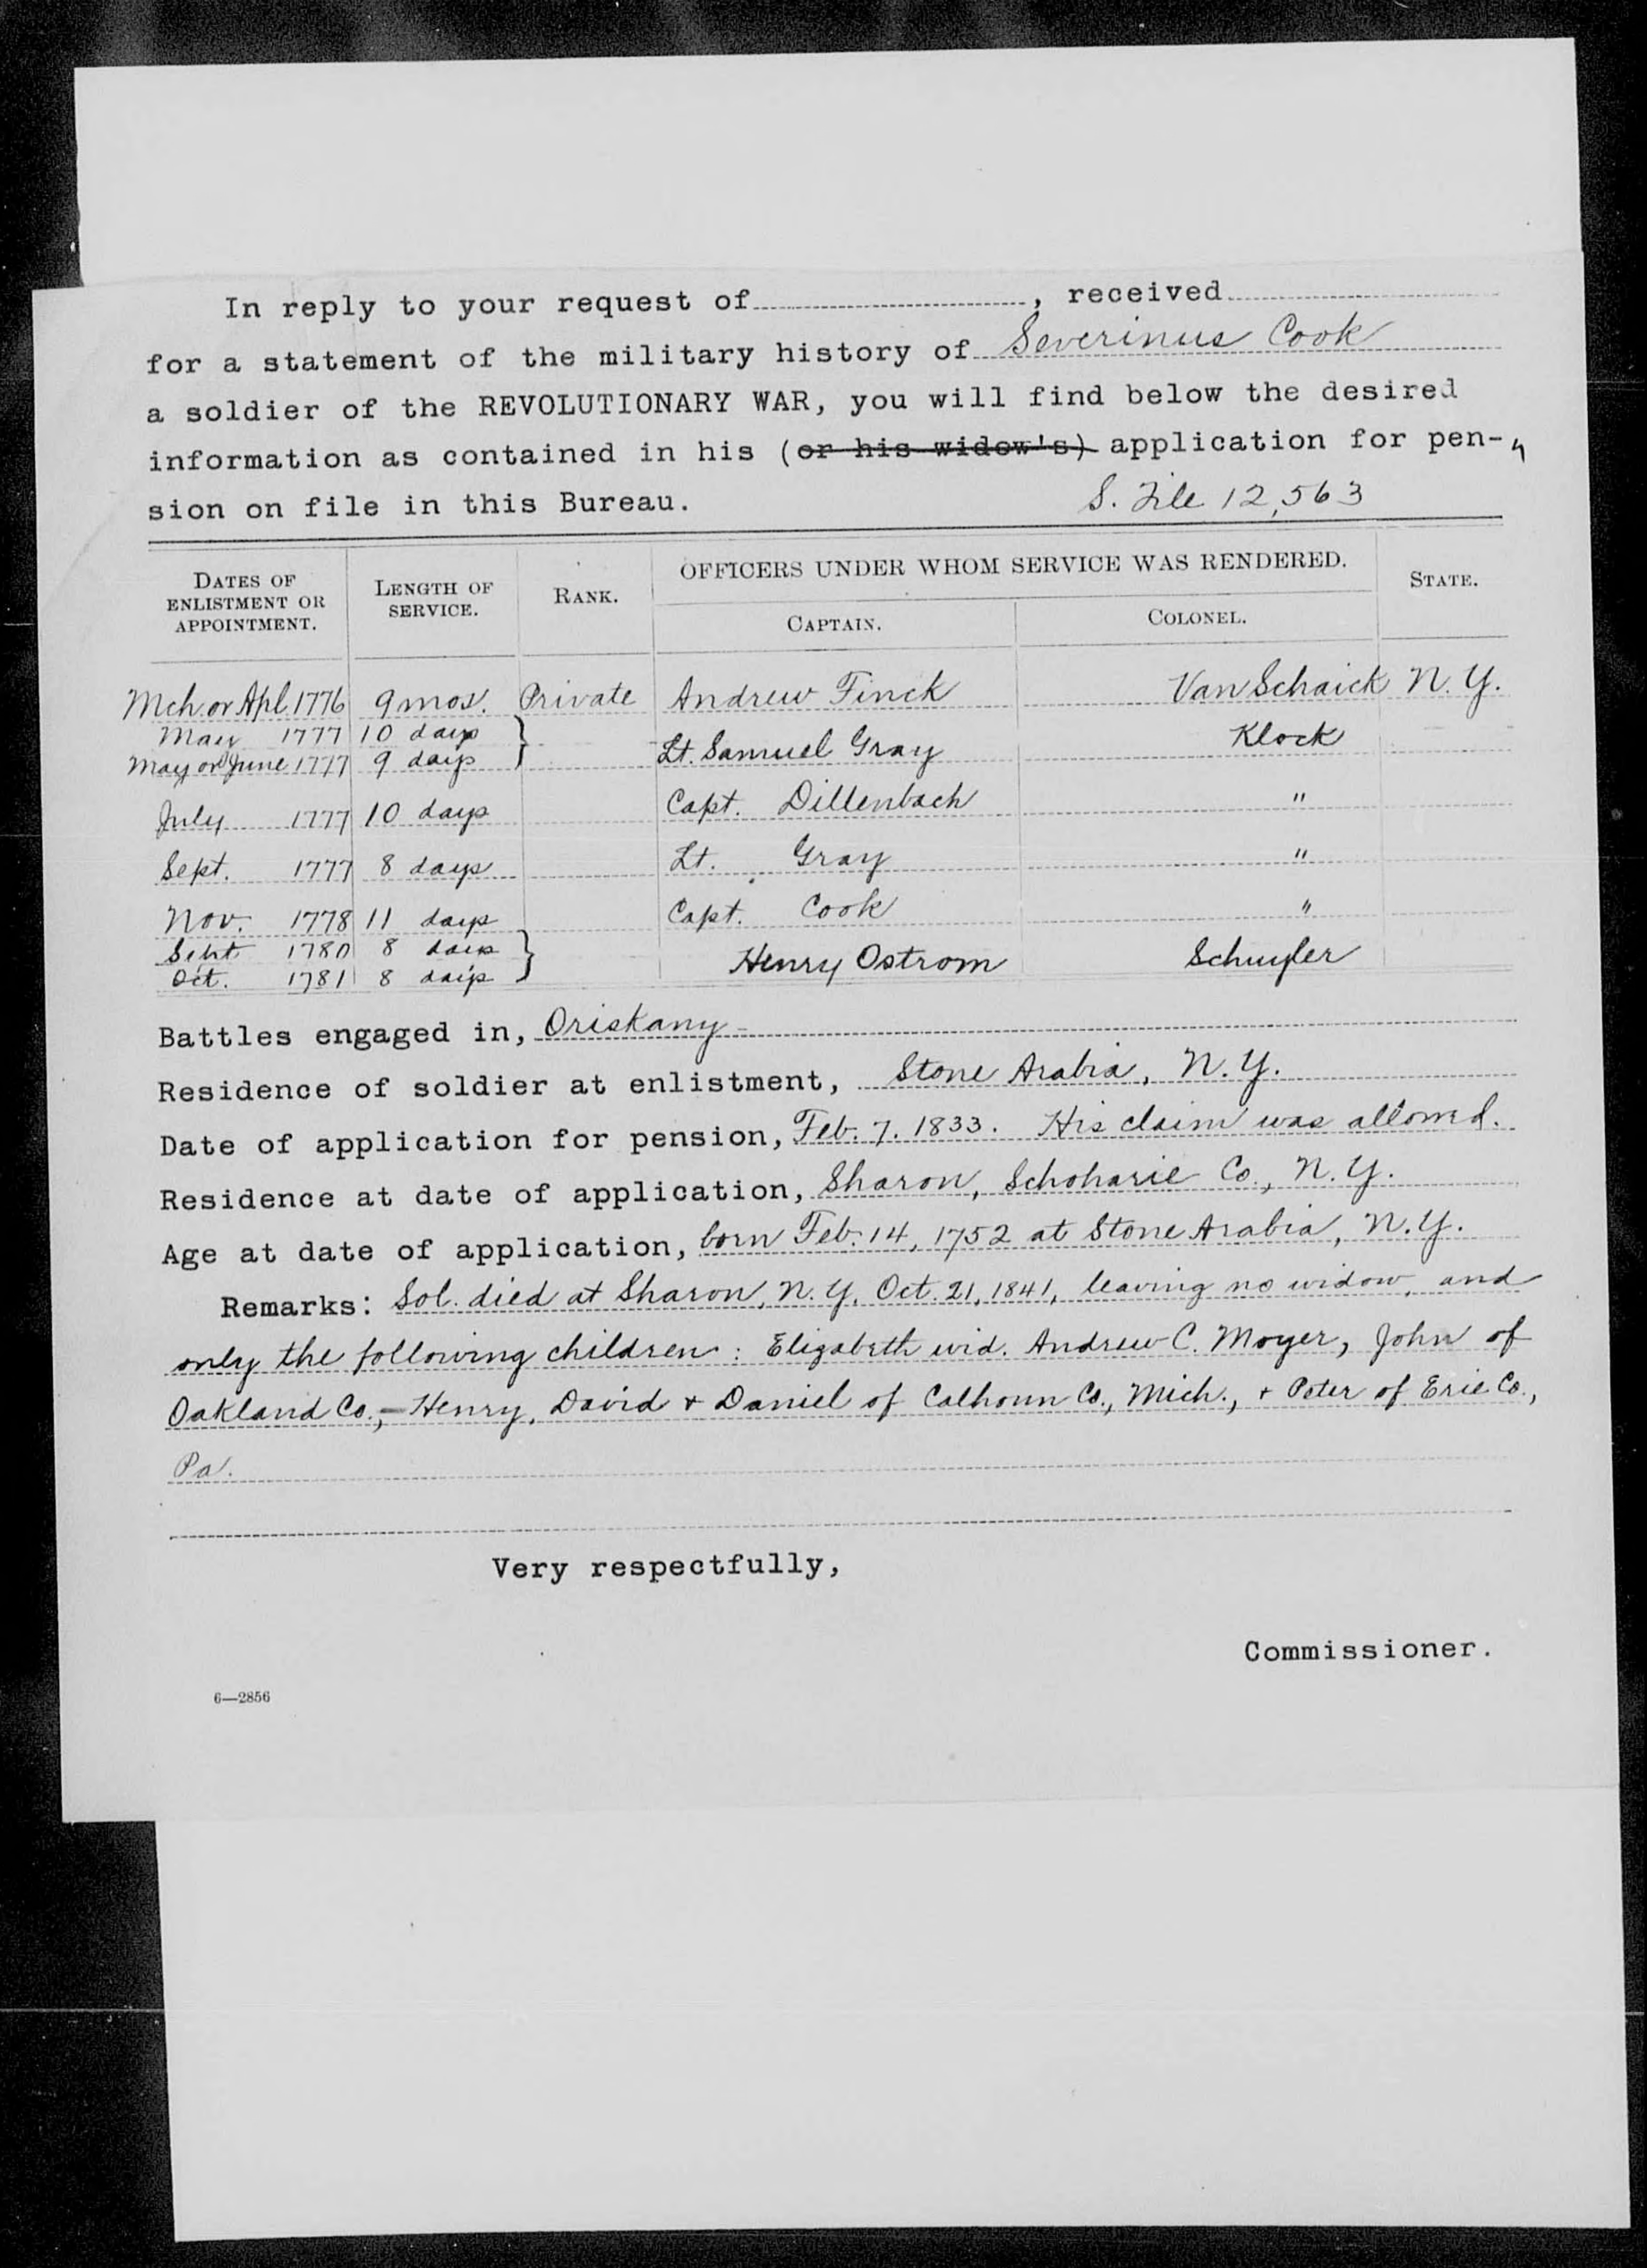In reply to your request of ____ received ____ a statement of the military history of Severinus Cook a soldier of the REVOLUTIONARY WAR, you will find below the desired information as contained in his (or his widow's) application for pension on file in this Bureau. S. File 12.563

DATES OF ENLISTMENT OR APPOINTMENT 
[1.] Mch or Apl 1776
[2.] Mary 1777
[2.] May or June 1777
[3.] July 1777
[4.] Sept. 1777
[5.] Nov. 1778
[6.] Sept. 1780
[6.] Oct. 1781

LENGTH OF SERVICE
[1.] 9 mos.
[2.] 10 days
[2.] 9 days
[3.] 10 days
[4.] 8 days
[5.] 11 days
[6.] 8 days
[6.] 8 days

RANK
[1.] Private

OFFICERS UNDER WHOM SERVICE WAS RENDERED.

CAPTAIN
[1.] Andrew Finck
[2.] Lt. Samuel Gray
[3.] Capt. Dillenbach
[4.] Lt. Gray
[5.] Capt. Cook
[6.] Henry Ostrom

COLONEL
[1.] Van Schaick
[2.] Klock
[3.] Klock
[4.] Klock
[5.] Klock
[6.] Schuyler

STATE
N.Y.

Battles engaged in, Oriskany.

Residence of soldier at enlistment, Stone Arabia, N.Y.

Date of application for pension, Feb. 7. 1833. His claim was allowed.

Residence at date of application, Sharon, Schoharie Co. N.Y.

Age at date of application, born Feb. 14, 1752 at Stone Arabia, N.Y.

Remarks: Sol. died at Sharon, N.Y. Oct. 21, 1841, leaving no widow, and only the following children: Elizabeth wid. Andrew C. Moyer, John of Oakland Co., Henry, David & Daniel of Calhoun Co., Mich., & Peter of Erie Co., Pa.

Very respectfully,
Commissioner.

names: Gray, Andrew Finck, Peter, Samuel Gray, Daniel, Van Schaick, Elizabeth, Henry Ostrom, David, Mich, Schingler, Severinus Cook, John, Dillenbach, Andrew C Moyer, Cook, Klock, Henry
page: 16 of 51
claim: survivor's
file: S. 12563, Severinus Cook, New York